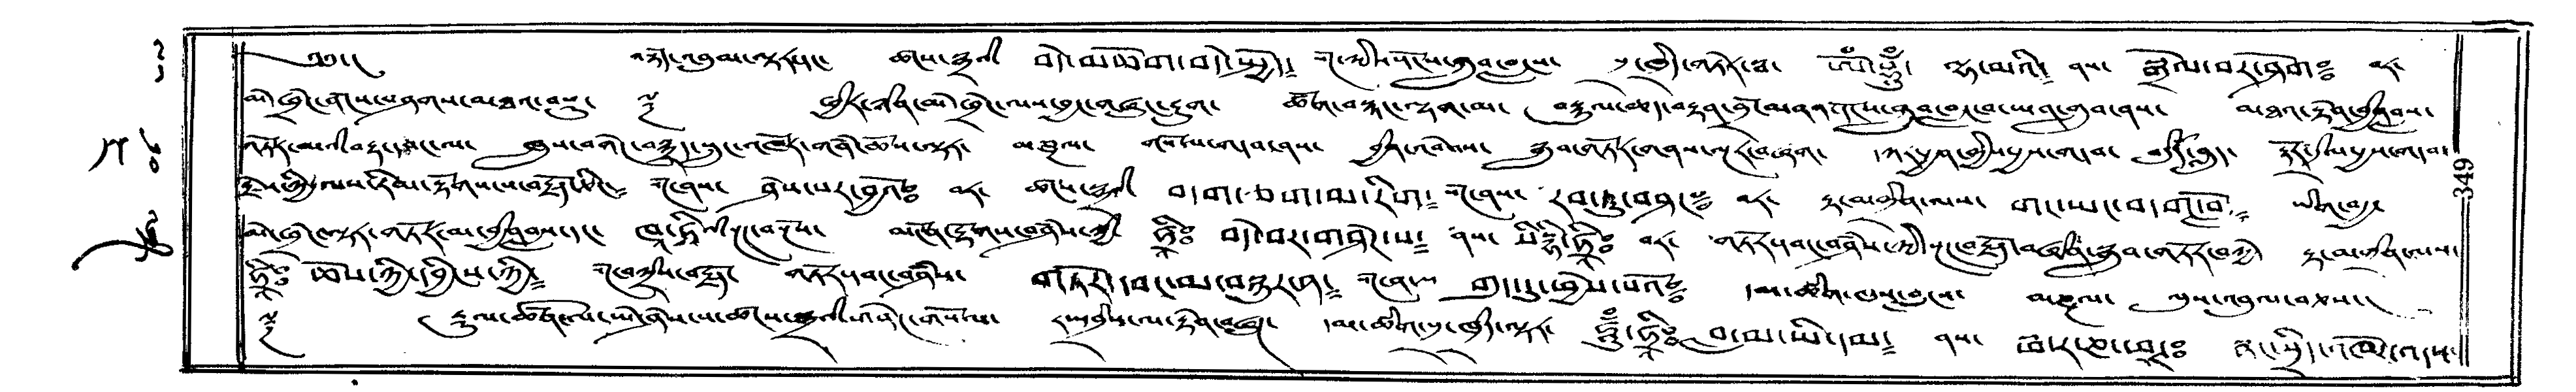བསྟོད་འབུམ་ལྟར་དང་། ཚངས་སྒྲའི། བདེ་མཆོག་བདེ་སྤྱོད༴ སོགས་ཀྱིས་དངོས་གྲུབ་བླངས། པྲ་ཁྲིད་གཏེར་སྦ། ཨོཾ་བྷྲུྃ༔ ལྷ་མའི༴ ནས། སྒྲོལ་བར་ཤོག༔ བར། 
མེ་ཕྲེང་ནོངས་བཤགས་མཐའ་བསྡུ། ཕྱིར་ཉིན་མེ་ཕྲེང་ལས་བྱང་གཞུང་རྒྱུག ཚོགས་བསྐང་ལྷག་མ། བསྐུལ། ཆད་བརྟན། བྲོ་མནན། དངོས་གྲུབ། བླང་བ་ཡན་གྲུབ་ནས། མཐའ་བརྟན་བྱིན་རླབས་
གཏོར་མའི་བརྡ་དབང་ལ། ཁྲུས་བགེགས་བསྐྲད་སྲུང་འཁོར་གནམ་ཆོས་ལྟར། མཎྜལ། གསོལ་གདབ་ནས། བྱིན་འབེབས། སྒྲུབ་གཏོར་གནས་ལྔར་གཞག དཀར་རྒྱན་གྱིས་རྒྱས་གདབ་། བདུད་རྩི་བླུད། རྡོར་དྲིལ་རྒྱས་གདབ་
རྗེས་ཀྱི་ལས་རིམ། རྟོགས་པ་བརྗོད་ཅིང༴ སོགས་ནས། ཤེས་པར་བྱའོཿ བར། ཚངས་སྒྲའི། བདག་ཅག་མ་རིག༴ སོགས་ནས། རབ་ཏུ་བཤགས༔ བར། རྟ་མགྲིན་ལས། གང་ཡང་བདག་བློ༴ ཡིག་བརྒྱ། 
མེ་ཕྲེང་ལྟར་གཏོར་མ་བྱིན་རླབས་དང་། ཁཱ་ཧིའི་སྔགས་བསྔོས།མངོན་རྟོགས་གཤམ་གྱི། ཧྲཱིཿ བདེ་བར་གཤེགས་པ༴ ནས། སིདྡྷི་ཧྲཱིཿ བར། གཏོར་དབང་མཇུག་གྀ་སྔགས་རྗོད་བཞིན་སྒྲུབ་གཏོར་བཀྱེ། རྟ་མགྲིན་ལས། 
ཧྲཱིཿ ཆོས་ཀྱི་དབྱིངས་ཀྱི༴ སོགས་བཀྲ་ཤིས་བརྗོད། གཏོར་དབང་བཤམ། གཏོར་དབང་མ་བསྐུར་ན༴ སོགས་ནས། གུད་དུ་ཕྱེས་པའོ༔ དམ་ཚིག་འདུས་བླངས། མཎྜལ། ལུས་འབུལ་བཅས། 
རྡུལ་ཚོན་ལ་ཡེ་ཤེས་པར་ཚངས་སྒྲའི་གཤེགས་གསོལ། རས་བྲིས་ལ་རྟེན་བཞུགས། དམ་ཚིག་པ་པྲ་ཁྲིད་ལྟར། ཧཱུྃ་ཧྲཱིཿ བླ་མ་ཡི་དམ༴ ནས། སྥ་ར་ཎ་ཕཊ་ཕཊ་ཿ སྣང་སྲིད་འཁོར་འདས་